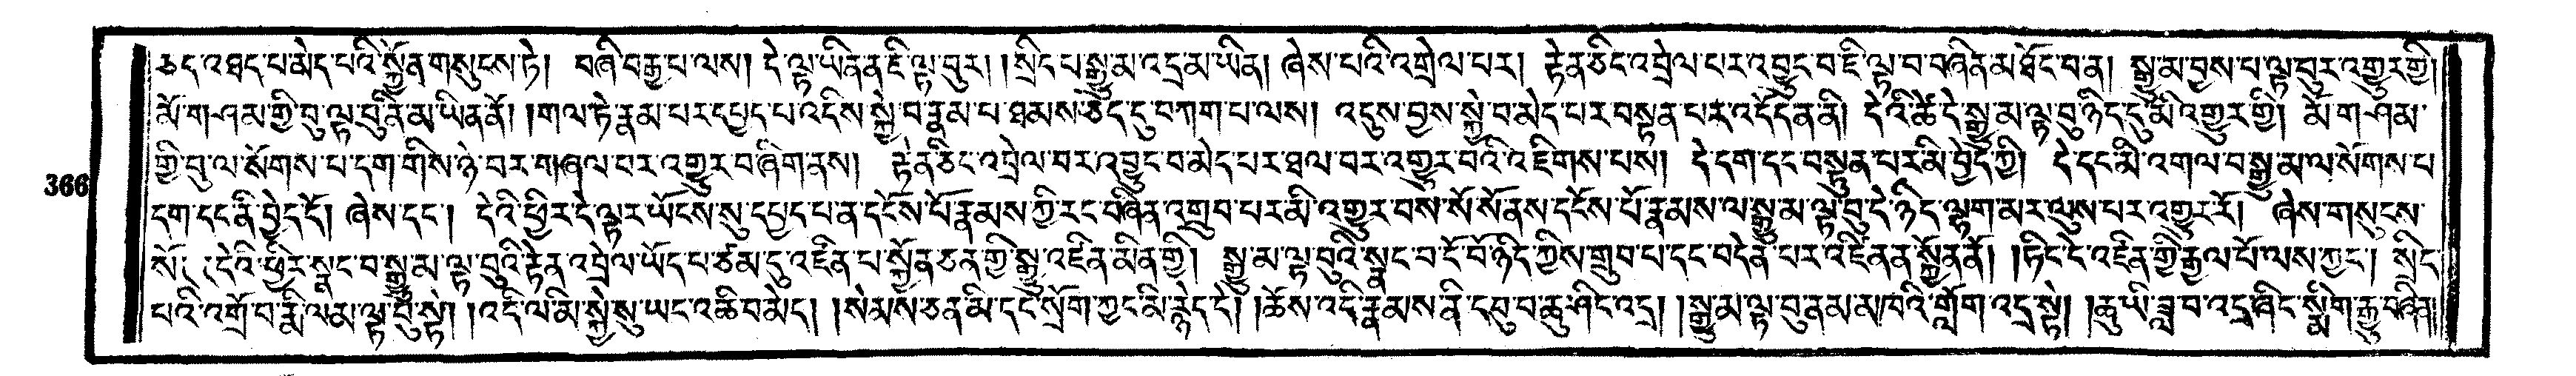ཅད་འཐད་པ་མེད་པའི་སྐྱོན་གསུངས་ཏེ། བཞི་བརྒྱ་པ་ལས། དེ་ལྟ་ཡིན་ན་ཇི་ལྟ་བུར། །སྲིད་པ་སྒྱུ་མ་འདྲ་མ་ཡིན། ཞེས་པའི་འགྲེལ་པར། རྟེན་ཅིང་འབྲེལ་པར་འབྱུང་བ་ཇི་ལྟ་བ་བཞིན་མཐོང་བ་ན། སྒྱུ་མ་བྱས་པ་ལྟ་བུར་འགྱུར་གྱི།
མོ་གཤམ་གྱི་བུ་ལྟ་བུ་ནི་མ་ཡིན་ནོ། །གལ་ཏེ་རྣམ་པར་དཔྱད་པ་འདིས་སྐྱེ་བ་རྣམ་པ་ཐམས་ཅད་དུ་བཀག་པ་ལས། འདུས་བྱས་སྐྱེ་བ་མེད་པར་བསྟན་པར་འདོད་ན་ནི། དེའི་ཚེ་དེ་སྒྱུ་མ་ལྟ་བུ་ཉིད་དུ་མི་འགྱུར་གྱི། མོ་གཤམ་
གྱི་བུ་ལ་སོགས་པ་དག་གིས་ཉེ་བར་གཞལ་བར་འགྱུར་བ་ཞིག་ནས། རྟེན་ཅིང་འབྲེལ་བར་འབྱུང་བ་མེད་པར་ཐལ་བར་འགྱུར་བའི་འཇིགས་པས། དེ་དག་དང་བསྟུན་པར་མི་བྱེད་ཀྱི། དེ་དང་མི་འགལ་བ་སྒྱུ་མ་ལ་སོགས་པ་
དག་དང་ནི་བྱེད་དོ། ཞེས་དང་། དེའི་ཕྱིར་དེ་ལྟར་ཡོངས་སུ་དཔྱད་པ་ན་དངོས་པོ་རྣམས་ཀྱི་རང་བཞིན་འགྲུབ་པར་མི་འགྱུར་བས་སོ་སོ་ནས་དངོས་པོ་རྣམས་ལ་སྒྱུ་མ་ལྟ་བུ་དེ་ཉིད་ལྷག་མར་ལུས་པར་འགྱུར་རོ། ཞེས་གསུངས་
སོ༑ ༑དེའི་ཕྱིར་སྣང་བ་སྒྱུ་མ་ལྟ་བུའི་རྟེན་འབྲེལ་ཡོད་བ་ཙམ་དུ་འཛིན་པ་སྐྱོན་ཅན་གྱི་སྒྱུ་འཛིན་མིན་གྱི། སྒྱུ་མ་ལྟ་བུའི་སྣང་བ་ངོ་བོ་ཉིད་ཀྱིས་གྲུབ་པ་དང་བདེན་པར་འཛིན་ན་སྐྱོན་ནོ། །ཏིང་ངེ་འཛིན་གྱི་རྒྱལ་པོ་ལས་ཀྱང་། སྲིད་
པའི་འགྲོ་བ་རྨི་ལམ་ལྟ་བུ་སྟེ། །འདི་ལ་མི་སྐྱེ་སུ་ཡང་འཆི་བ་མེད། །སེམས་ཅན་མི་དང་སྲོག་ཀྱང་མི་རྙེད་དེ། །ཆོས་འདི་རྣམས་ནི་དབུ་བ་ཆུ་ཤིང་འདྲ། །སྒྱུ་མ་ལྟ་བུ་ནམ་མཁའི་གློག་འདྲ་སྟེ། །ཆུ་ཡི་ཟླ་བ་འདྲ་ཞིང་སྨིག་རྒྱུ་བཞིན།